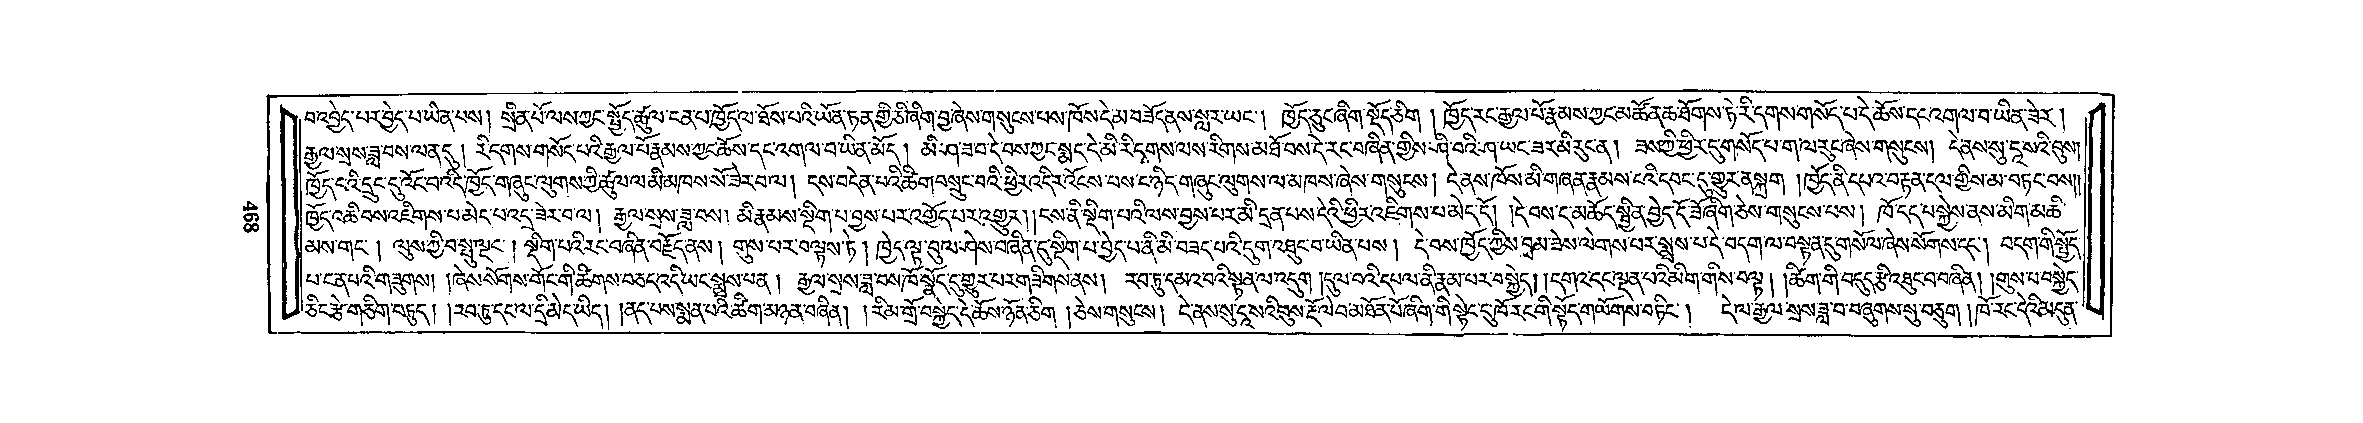བ་འབྱེད་པར་བྱེད་པ་ཡིན་པས། སྲིན་པོ་ལས་ཀྱང་སྤྱོད་ཚུལ་ངན་པ་ཁྱོད་ལ་ཐོས་པའི་ཡོན་ཏན་གྱི་ཅི་ཞིག་བྱ་ཞེས་གསུངས་པས་ཁོས་དེ་མ་བཟོད་ནས་སླར་ཡང་། ཁྱོད་ཅུང་ཞིག་སྡོད་ཅིག །ཁྱོད་རང་རྒྱལ་པོ་རྣམས་ཀྱང་མཚོན་ཆ་ཐོགས་ཏེ་རི་དགས་གསོད་པ་དེ་ཆོས་དང་འགལ་བ་ཡིན་ཟེར།
རྒྱལ་སྲས་ཟླ་བས་ལན་དུ། རི་དགས་གསོད་པའི་རྒྱལ་པོ་རྣམས་ཀྱང་ཆོས་དང་འགལ་བ་ཡིན་མོད། མི་ཤ་ཟ་བ་དེ་བས་ཀྱང་སྨད་དེ་མི་རི་དྭགས་ལས་རིགས་མཐོ་བས་དེ་རང་བཞིན་གྱིས་ཤི་བའི་ཤ་ཡང་ཟར་མི་རུང་ན། ཟས་ཀྱི་ཕྱིར་དུ་གསོད་པ་ག་ལ་རུང་ཞེས་གསུངས། དེ་ནས་སུ་དཱ་སའི་བུས།
ཁྱོད་ངའི་དྲུང་དུ་འོང་བ་འདི་ཁྱོད་གཞུང་ལུགས་ཀྱི་ཚུལ་ལ་མི་མཁས་སོ་ཟེར་བ་ལ། དས་བདེན་པའི་ཚིག་བསྲུང་བའི་ཕྱིར་འདིར་འོངས་པས་ང་ཉིད་གཞུང་ལུགས་ལ་མཁས་ཞེས་གསུངས། དེ་ནས་ཁོས་མི་གཞན་རྣམས་ངའི་དབང་དུ་གྱུར་ན་སྐྲག །ཁྱོད་ནི་དཔའ་བརྟན་དལ་གྱིས་མ་བཏང་བས། །
ཁྱོད་འཆི་བས་འཇིགས་པ་མེད་པ་འདྲ་ཟེར་བ་ལ། རྒྱལ་སྲས་ཟླ་བས། མི་རྣམས་སྡིག་པ་བྱས་པར་འགྱོད་པར་འགྱུར། །ངས་ནི་སྡིག་པའི་ལས་བྱས་པར་མི་དྲན་པས་དེའི་ཕྱིར་འཇིགས་པ་མེད་དོ། །དེ་བས་ད་མཆོད་སྦྱིན་བྱེད་དོ་ཟོ་ཞིག་ཅེས་གསུངས་པས། ཁོ་དད་པ་སྐྱེས་ནས་མིག་མཆི་
མས་གང་། ལུས་ཀྱི་བ་སྤུ་ལྡང་། སྡིག་པའི་རང་བཞིན་བརྗོད་ནས། གུས་པར་བལྟས་ཏེ། ཁྱེད་ལྟ་བུ་ལ་ཤེས་བཞིན་དུ་སྡིག་པ་བྱེད་པ་ནི་མི་བཟད་པའི་དུག་འཐུང་བ་ཡིན་པས། དེ་བས་ཁྱོད་ཀྱིས་བྲམ་ཟེས་ལེགས་པར་སྨྲས་པ་དེ་བདག་ལ་བསྟན་དུ་གསོལ་ཞེས་སོགས་དང་། བདག་གི་སྤྱོད་
པ་ངན་པའི་གཟུགས། །ཞེས་སོགས་གོང་གི་ཚིགས་བཅད་འདི་ཡང་སྨྲས་པ་ན། རྒྱལ་སྲས་ཟླ་བས་ཁོ་སྣོད་དུ་གྱུར་པར་གཟིགས་ནས། རབ་ཏུ་དམའ་བའི་སྟན་ལ་འདུག །དུལ་བའི་དཔལ་ནི་རྣམ་པར་བསྐྱེད། །དགའ་དང་ལྡན་པའི་མིག་གིས་བལྟ། །ཚིག་གི་བདུད་རྩི་འཐུང་བ་བཞིན། །གུས་པ་བསྐྱེད་
ཅིང་རྩེ་གཅིག་བཏུད། །རབ་ཏུ་དང་ལ་དྲི་མེད་ཡིད། །ནད་པས་སྨན་པའི་ཚིག་མཉན་བཞིན། །རིམ་གྲོ་བསྐྱེད་དེ་ཆོས་ཉོན་ཅིག །ཅེས་གསུངས། དེ་ནས་སུ་དཱ་སའི་བུས་རྡོ་ལེབ་མཐོན་པོ་ཞིག་གི་སྟེང་དུ་ཁོ་རང་གི་སྟོད་གཡོགས་བཏིང་། དེ་ལ་རྒྱལ་སྲས་ཟླ་བ་བཞུགས་སུ་བཅུག །ཁོ་རང་དེའི་མདུན་